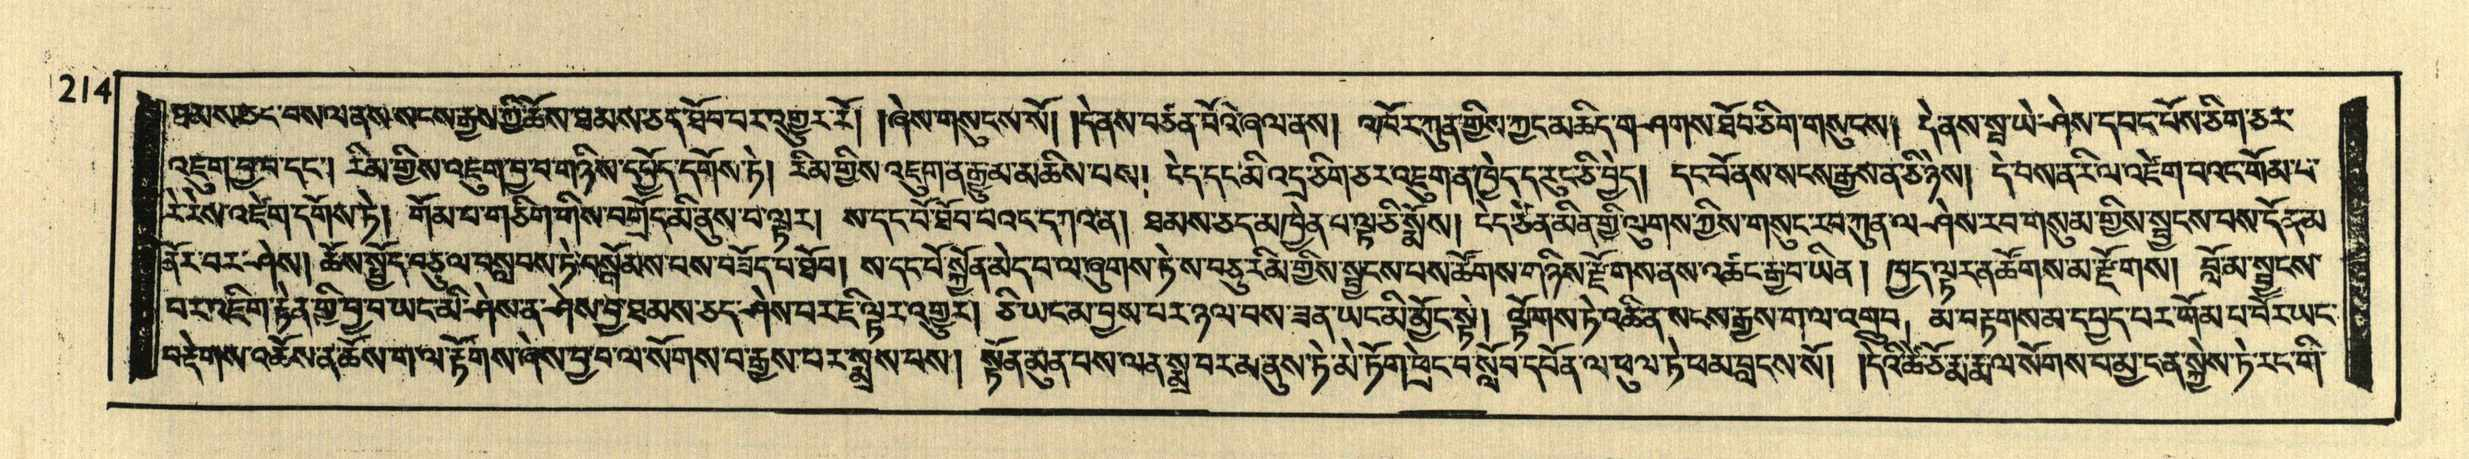ཐམས་ཅད་བསལ་ནས་སངས་རྒྱས་ཀྱི་ཆོས་ཐམས་ཅད་ཐོབ་པར་འགྱུར་རོ། །ཞེས་གསུངས་སོ། །དེ་ནས་བཙན་བོའི་ཞལ་ནས། འཁོར་ཀུན་གྱིས་ཀྱང་མཆིད་གཤགས་ཐོབ་ཅིག་གསུངས། དེ་ནས་སྤ་ཡེ་ཤེས་དབང་པོས་ཅིག་ཅར་
འཇུག་བྱ་བ་དང་། རིམ་གྱིས་འཇུག་བྱ་བ་གཉིས་དཔྱོད་དགོས་ཏེ། རིམ་གྱིས་འཇུག་ན་རྒྱུ་མ་མཆིས་པས། ངེད་དང་མི་འདྲ་ཅིག་ཅར་འཇུག་ན་ཁྱེད་ད་རུང་ཅི་བྱེད། དང་བོ་ནས་སངས་རྒྱས་ན་ཅི་ཉེས། དེ་བས་ན་རི་ལ་འཛེག་བའང་གོམ་པ་
རེ་རེས་འཛེག་དགོས་ཏེ། གོམ་པ་གཅིག་གིས་བགྲོད་མི་ནུས་པ་ལྟར། ས་དང་པོ་ཐོབ་པའང་དཀའ་ན། ཐམས་ཅད་མཁྱེན་པ་ལྟ་ཅི་སྨོས། ངེད་ཙེ་ན་མིན་གྱི་ལུགས་ཀྱིས་གསུང་རབ་ཀུན་ལ་ཤེས་རབ་གསུམ་གྱིས་སྦྱངས་པས་དོན་མ་
ནོར་བར་ཤེས། ཆོས་སྤྱོད་བཅུ་ལ་བསླབས་ཏེ་བསྒོམས་བས་བཟོད་པ་ཐོབ། ས་དང་པོ་སྐྱོན་མེད་པ་ལ་ཞུགས་ཏེ་ས་བཅུ་རིམ་གྱིས་སྦྱངས་པས་ཚོགས་གཉིས་རྫོགས་ནས་འཚང་རྒྱ་བ་ཡིན། ཁྱད་ལྟར་ན་ཚོགས་མ་རྫོགས། བློ་མ་སྦྱངས་
བར་འཇིག་རྟེན་གྱི་བྱ་བ་ཡང་མི་ཤེས་ན་ཤེས་བྱ་ཐམས་ཅད་ཤེས་པར་ཇི་ལྟར་འགྱུར། ཅི་ཡང་མ་བྱས་པར་ཉལ་བས་ཟན་ཡང་མི་མྱོང་སྟེ། ལྟོགས་ཏེ་འཆིན་སངས་རྒྱས་ག་ལ་འགྲུབ། མ་བརྟགས་མ་དཔྱད་པར་གོམ་པ་བོར་ཡང་
བརྡེགས་འཆོས་ན་ཆོས་ག་ལ་རྟོགས་ཞེས་བྱ་བ་ལ་སོགས་པ་རྒྱས་པར་སྨྲས་པས། སྟོན་མུན་བས་ལན་སྨྲ་བར་མ་ནུས་ཏེ་མེ་ཏོག་ཕྲེང་བ་སློབ་དཔོན་ལ་ཕུལ་ཏེ་ཕ་མ་བླངས་སོ། །དེའི་ཚེ་ཅོ་རྨ་རྨ་ལ་སོགས་པ་མྱ་ངན་སྐྱེས་ཏེ་རང་གི་